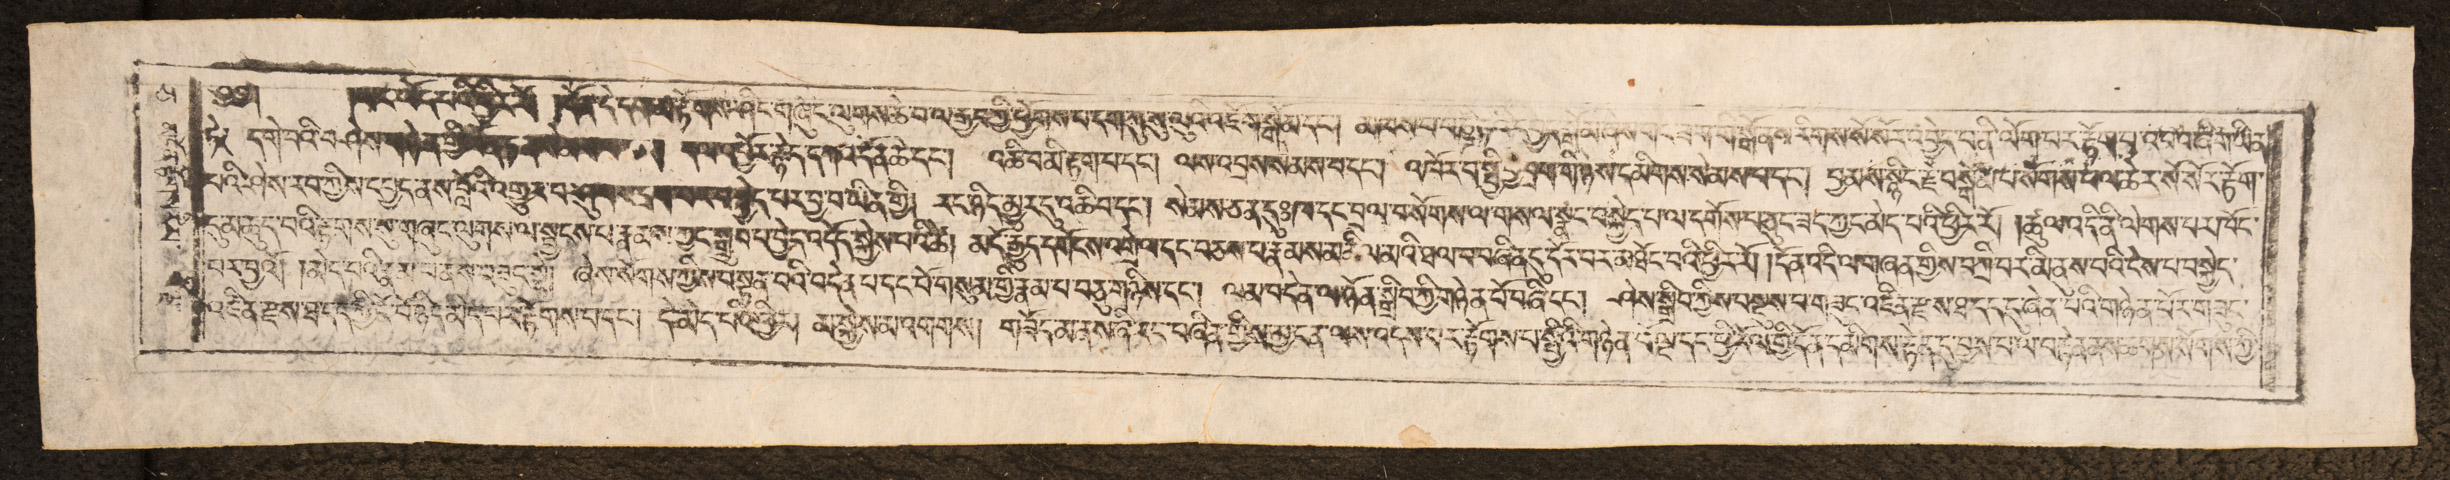༄༅། །ཡང་ཡོད་པའི་ཕྱིར་རོ། །དོན་དེ་དག་མ་རྟོགས་ཤིང་གཞུང་ལུགས་ཆེ་བ་ལ་རྒྱབ་ཀྱི་ཕྱོགས་པ་དག་ཀུ་སུ་ལུའི་འཇོག་སྒོམ་དང་། མཁས་པ་པཎྜི་ཏའི་དཔྱད་སྒོམ་ཞེས་གང་ཟག་གི་སྒོ་ནས་རིགས་སོ་སོར་འབྱེད་པ་ནི་ལོག་པར་རྟོག་པ་འབའ་ཞིག་ཡིན་
ཏེ། དགེ་བའི་བཤེས་གཉེན་གྱི་ཡོན་ཏན་སེམས་པ་དང་། དལ་འབྱོར་རྙེད་དཀའ་དོན་ཆེ་དང་། འཆི་བ་མི་རྟག་པ་དང་། ལས་འབྲས་སེམས་པ་དང་། འཁོར་བ་སྤྱི་བྱེ་བྲག་གི་ཉེས་དམིགས་སེམས་པ་དང་། བྱམས་སྙིང་རྗེ་བསྒོམ་པ་སོགས་ཕལ་ཆེར་སོ་སོར་རྟོག་
པའི་ཤེས་རབ་ཀྱིས་དཔྱད་ནས་བློའི་འགྱུར་བ་ཤུགས་དྲག་པར་བསྐྱེད་པར་བྱ་བ་ཡིན་གྱི། རང་ཉིད་མྱུར་དུ་འཆི་བ་དང་། སེམས་ཅན་དུཿ ཁ་དང་བྲལ་བ་སོགས་ལ་གསལ་སྣང་བསྐྱེད་པ་ལ་དགོས་པ་ཅུང་ཟད་ཀྱང་མེད་པའི་ཕྱིར་རོ། །ཚུལ་འདི་ནི་ལེགས་པར་ཁོང་
དུ་མ་ཆུད་པའི་རྟགས་སུ་གཞུང་ལུགས་ལ་སྦྱངས་པ་རྣམས་ཀྱང་སྒྲུབ་པ་བྱེད་འདོད་སྐྱེས་པའི་ཚེ། མདོ་རྒྱུད་དགོངས་འགྲེལ་དང་བཅས་པ་རྣམས་མཆིལ་མའི་ཐལ་བ་བཞིན་དུ་དོར་བར་མཐོང་བའི་ཕྱིར་རོ། །དོན་འདི་ལ་གཞན་གྱིས་བཀྲི་བར་མི་ནུས་པའི་ངེས་པ་བསྐྱེད་
པར་བྱའོ། །མེད་པའི་རྣམ་པ་ནས་བཟུང་སྟེ། ཞེས་སོགས་ཀྱིས་བསྟན་པའི་བདེན་པ་དང་པོ་གསུམ་གྱི་རྣམ་པ་བཅུ་གཉིས། ལམ་བདེན་ལ་ཉོན་སྒྲིབ་ཀྱི་གཉེན་པོ་བཞི་དང་། ཤེས་སྒྲིབ་ཀྱིས་བསྡུས་པ་གཟུང་འཛིན་རྫས་ཐ་དད་དུ་ཞེན་པའི་གཉེན་པོར་གཟུང་
འཛིན་རྫས་ཐ་དད་ཀྱི་ངོ་བོ་ཉིད་མེད་པར་རྟོགས་པ་དང་། དེ་མེད་པའི་ཕྱིར། མ་སྐྱེས་མ་འགགས། གཟོད་མ་ནས་ཞི་རང་བཞིན་གྱིས་མྱ་ངན་ལས་འདས་པར་རྟོགས་པ་སྤྱིའི་གཉེན་པོ་ལྔ་དང་ཕྱི་རོལ་གྱི་དོན་དམིགས་རྟེན་དུ་བྱས་པ་ལ་བརྟེན་ནས་ཆགས་སོགས་ཀྱི་